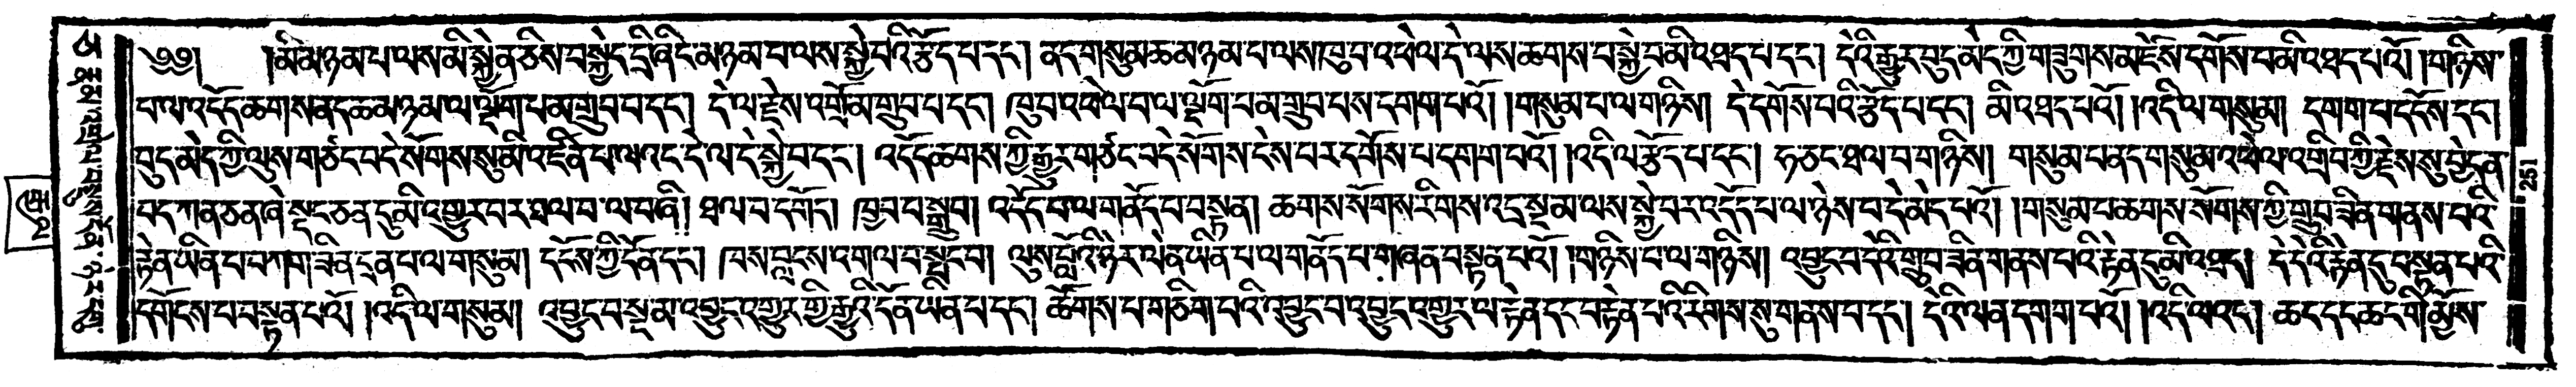༄༅། །མི་མཉམ་པ་ལས་མི་སྐྱེ་ན་ཅིས་བསྐྱེད་དྲི་ཞིང་མཉམ་པ་ལས་སྐྱེ་བའི་རྩོད་པ་དང་། ནད་གསུམ་ཆ་མཉམ་པ་ལས་ཁུ་བ་འཕེལ་དེ་ལས་ཆགས་པ་སྐྱེ་བ་མི་འཐད་པ་དང་། དེའི་རྒྱུར་བུད་མེད་ཀྱི་གཟུགས་མཛེས་དགོས་པ་མི་འཐད་པའོ། །གཉིས་
པ་ལ་འདོད་ཆགས་ནད་ཆ་མཉམ་ལ་ལྡོག་པ་མ་གྲུབ་པ་དང་། དེ་ལ་རྗེས་འགྲོ་མ་གྲུབ་པ་དང་། ཁུ་བ་འཕེལ་བ་ལ་ལྡོག་པ་མ་གྲུབ་པས་དགག་པའོ། །གསུམ་པ་ལ་གཉིས། དེ་དགོས་པའི་རྩོད་པ་དང་། མི་འཐད་པའོ། །འདི་ལ་གསུམ། དགག་པ་དངོས་དང་།
བུད་མེད་ཀྱི་ལུས་གཙང་བདེ་སོགས་སུ་མི་འཛིན་པ་ལའང་དེ་ལ་དེ་སྐྱེ་བ་དང་། འདོད་ཆགས་ཀྱི་རྒྱུར་གཙང་བདེ་སོགས་ངེས་པར་དགོས་པ་དགག་པའོ། །འདི་ལ་རྩོད་པ་དང་། ཧ་ཅང་ཐལ་བ་གཉིས། གསུམ་པ་ནད་གསུམ་འཕེལ་འགྲིབ་ཀྱི་རྗེས་སུ་བྱེད་ན་
བད་ཀན་ཅན་ཞེ་སྡང་ཅན་དུ་མི་འགྱུར་བར་ཐལ་བ་ལ་བཞི། ཐལ་བ་དགོད། ཁྱབ་པ་སྒྲུབ། འདོད་པ་ལ་གནོད་པ་བསྟན། ཆགས་སོགས་རིགས་འདྲ་སྔ་མ་ལས་སྐྱེ་བར་འདོད་པ་ལ་ཉེས་པ་དེ་མེད་པའོ། །གསུམ་པ་ཆགས་སོགས་ཀྱི་གྲུབ་ཟིན་གནས་པའི་
རྟེན་ཡིན་པ་བཀག་ཟིན་དྲན་པ་ལ་གསུམ། དངོས་ཀྱི་དོན་དང་། ཁས་བླངས་འགལ་བ་སྤང་བ། ལུས་བློའི་ཉེར་ལེན་ཡིན་པ་ལ་གནོད་པ་གཞན་བསྟན་པའོ། །གཉིས་པ་ལ་གཉིས། འབྱུང་བ་དེའི་གྲུབ་ཟིན་གནས་པའི་རྟེན་དུ་མི་འཐད། དེ་དེའི་རྟེན་དུ་བསྟན་པའི་
དགོངས་པ་བསྟན་པའོ། །འདི་ལ་གསུམ། འབྱུང་བ་སྔ་མ་འབྱུང་འགྱུར་གྱི་རྒྱུའི་དོན་ཡིན་པ་དང་། ཚོགས་པ་གཅིག་པའི་འབྱུང་བ་འབྱུང་འགྱུར་ལ་རྟེན་དང་བརྟེན་པའི་རིགས་སུ་གནས་པ་དང་། དེའི་ལན་དགག་པའོ། །འདི་ལའང་། ཆང་དང་ཆང་གི་མྱོས་